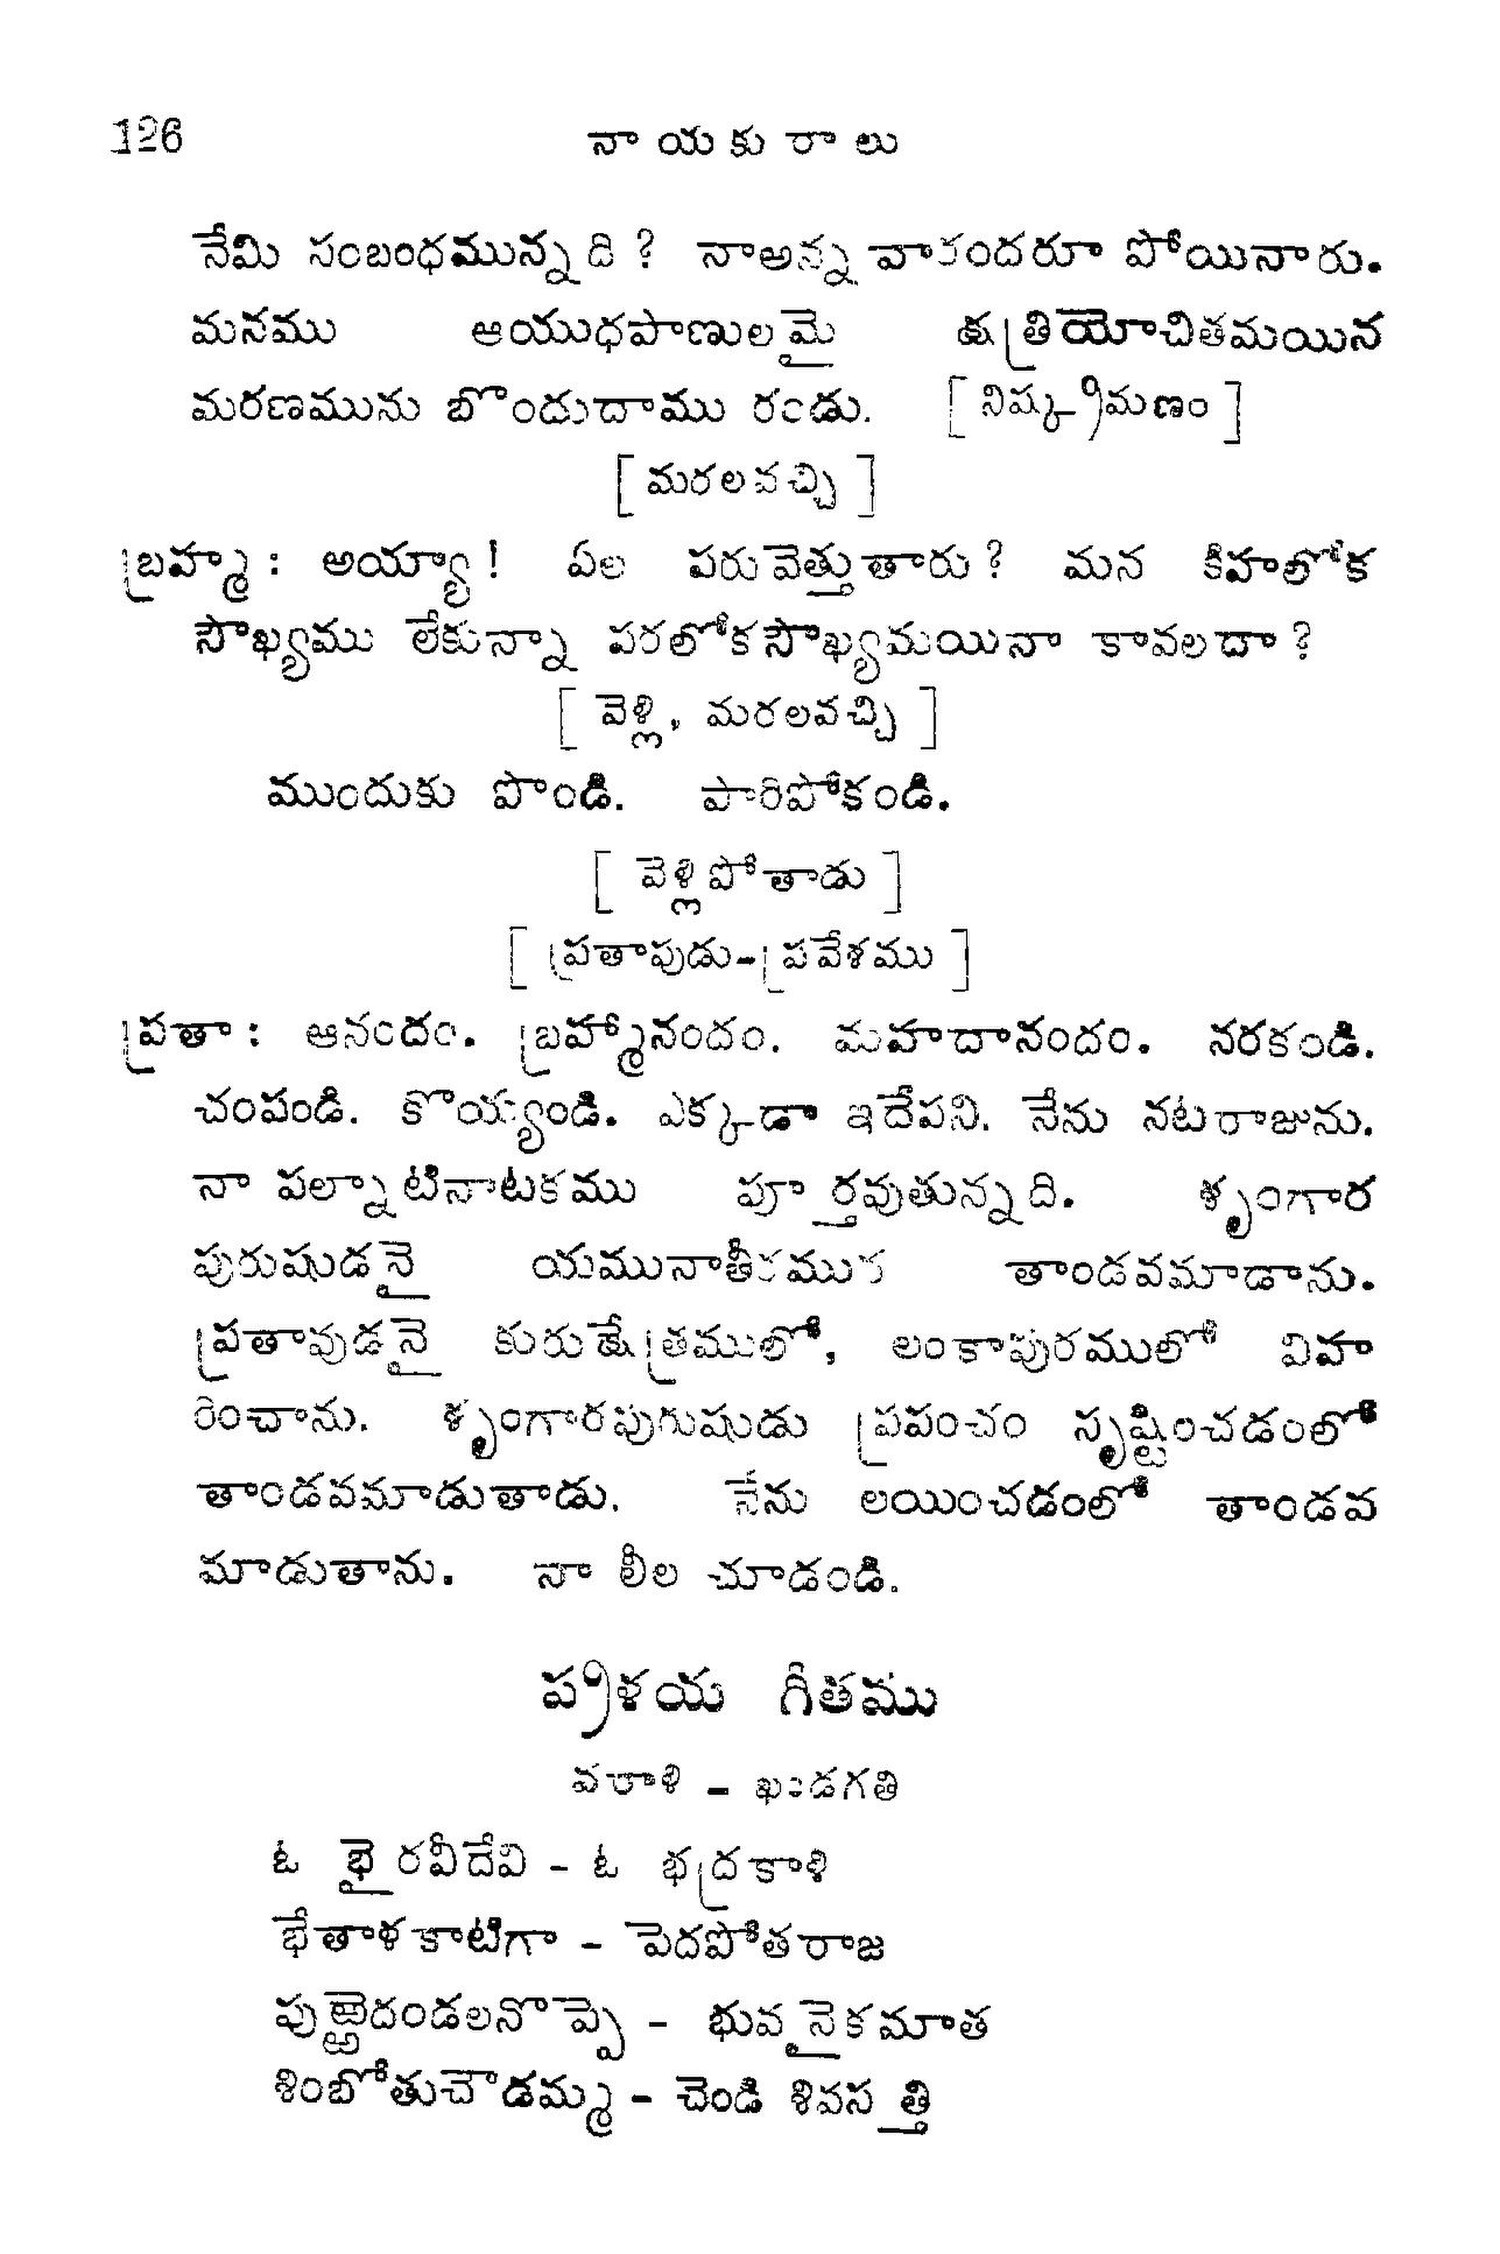నేమి సంబంధమున్నది ? నాఅన్న వారందరూ పోయినారు. మనము ఆయుధపాణులమై
క్షత్రియోచితమయిన మరణమును బొందుదాము రండు. (నిష్క్రమణం )

బ్రహ్మ : అయ్యా ! ఏల పరువెత్తుతారు? మన కిహలోక సౌఖ్యము లేకున్నా పరలోక సౌఖ్యమయినా కావలదా ?

ముందుకు పొండి. పారిపోకండి.

ప్రతా : ఆనందం. బ్రహ్మానందం. మహదానందం. నరకండి. చంపండి. కొయ్యండి. ఎక్కడా ఇదేపని. నేను నటరాజును. నా పల్నాటినాటకము పూర్తవుతున్నది. శృంగార పురుషుడనై యమునాతీరమున తాండవమాడాను. ప్రతావుడనై కురుక్షేత్రములో, లంకాపురములో విహరించాను. శృంగారపురుషుడు ప్రపంచం సృష్టించడంలో తాండవమాడుతాడు. నేను లయించడంలో తాండవమాడుతాను. నా లీల చూడండి.
ప్రళయ గీతము

ఓ భైరవీదేవి - ఓ భద్రకాళి
భేతాళకాటిగా - పెదపోతరాజు
పుఱ్ఱెదండలనొప్పె - భువనైకమాత
శింబోతుచౌడమ్మ - చెండి శివసత్తి